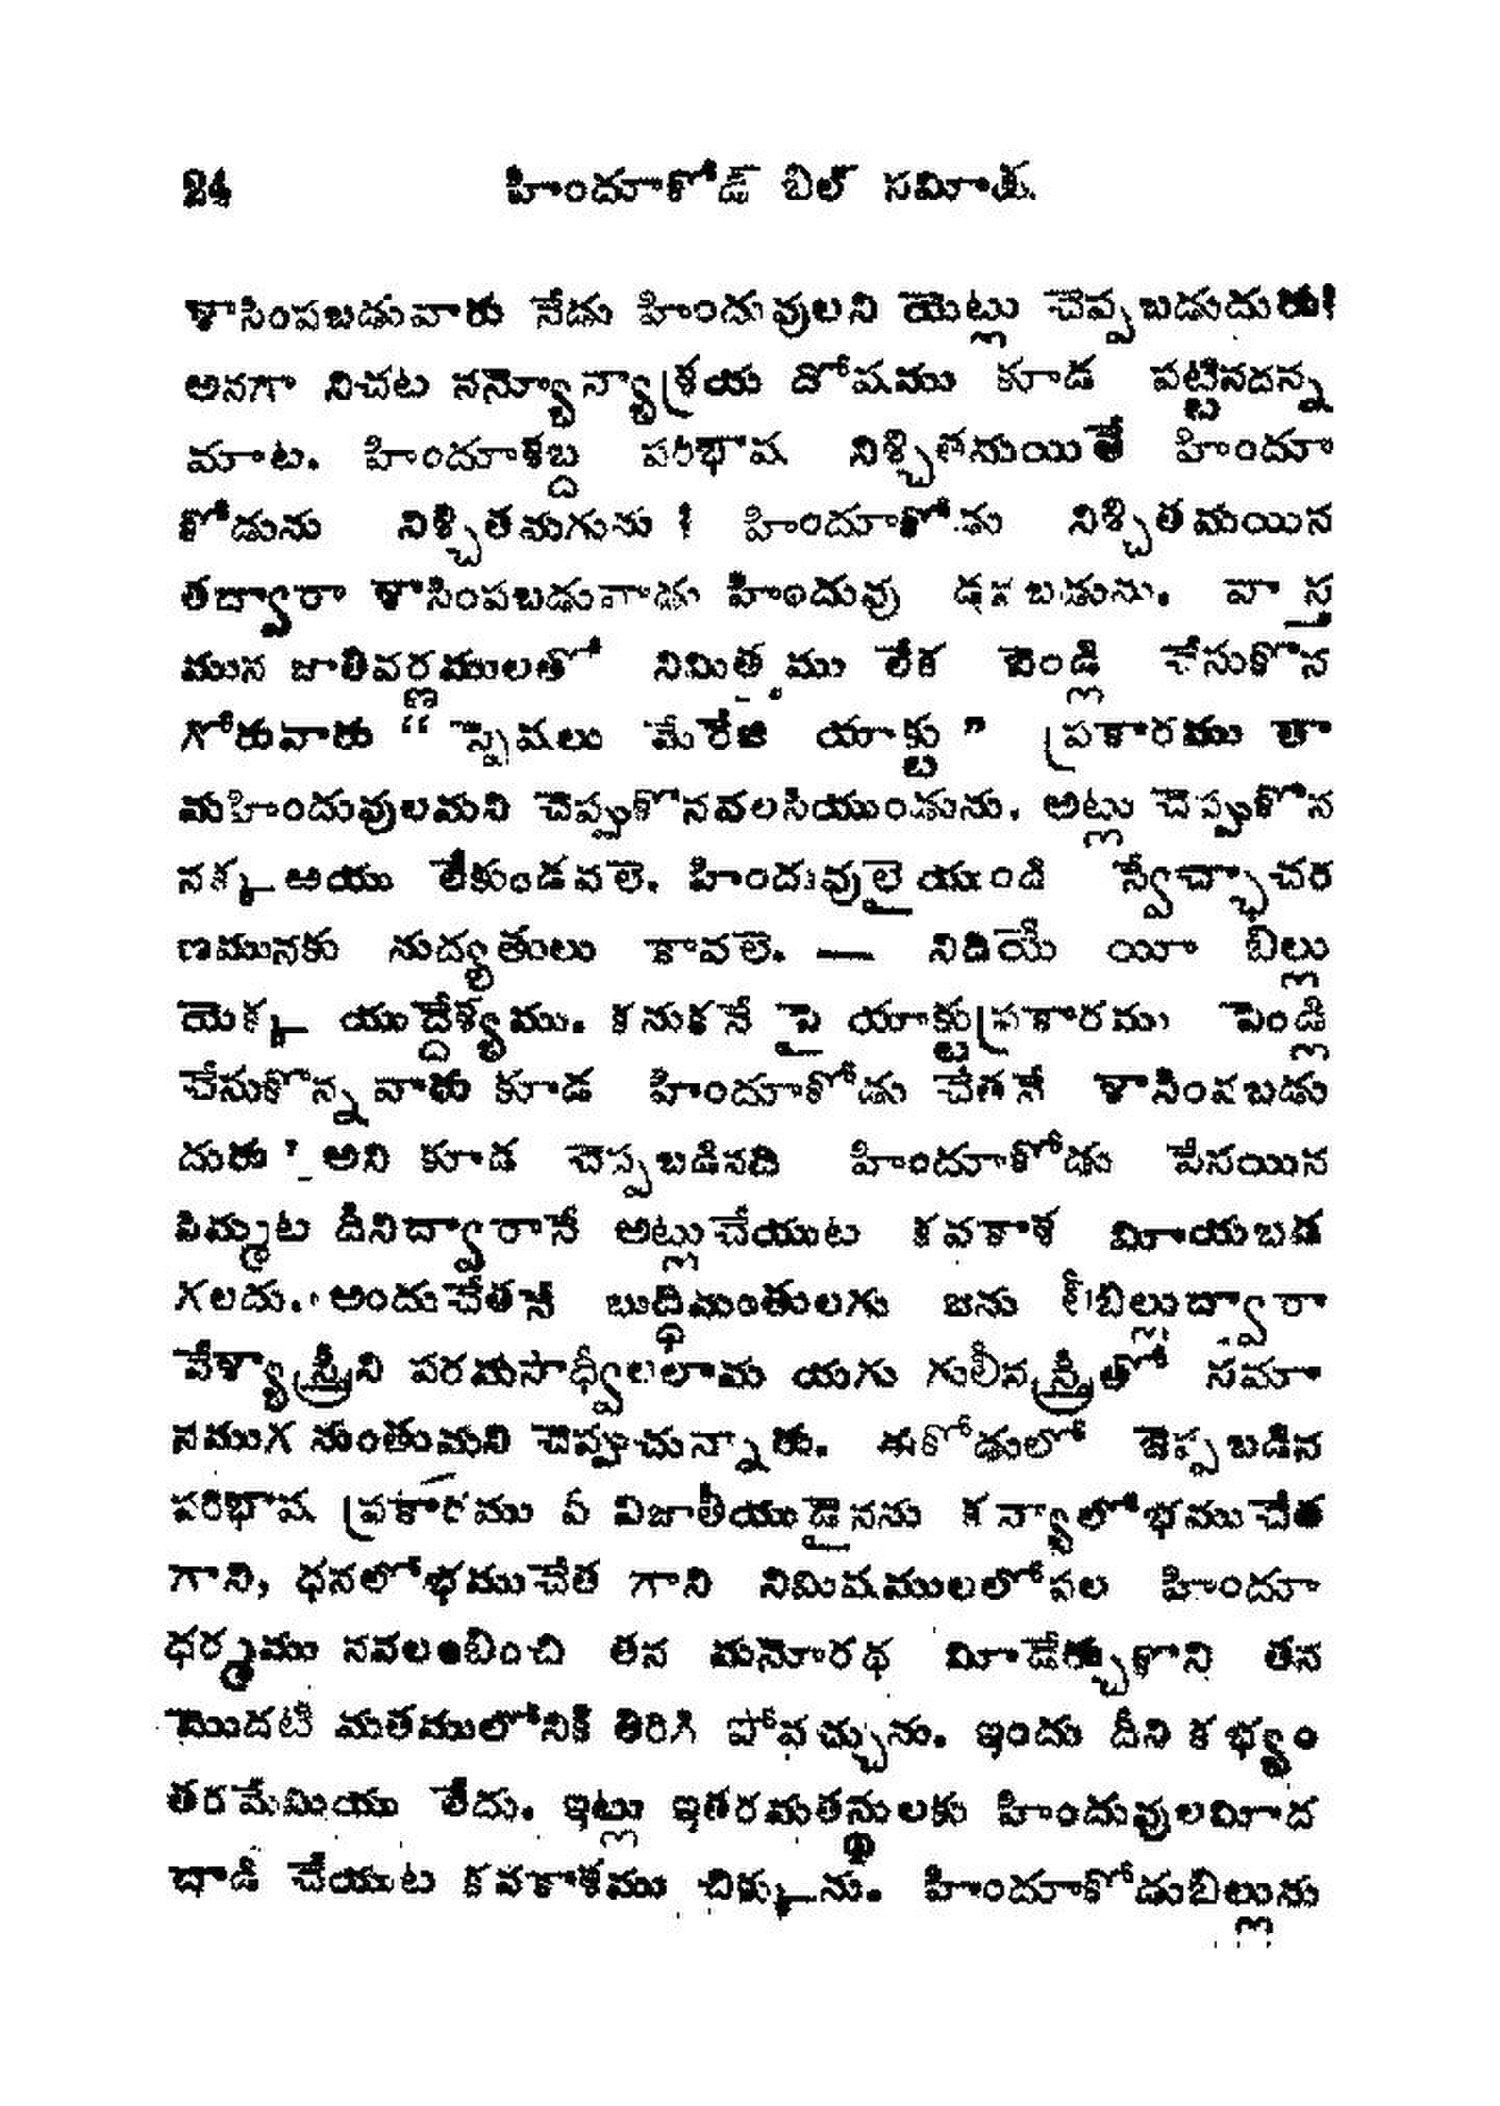శాసింపబడువారు నేడు హిందువులని యెట్లు చెప్పబడుదురు!
అనగా నిచట నన్యోన్యాశ్రయ దోషము కూడ పట్టినదన్నమాట. 
హిందూశబ్ద పరిభాష నిశ్చితమయితే హిందూకోడును నిశ్చితమగును? 
హిందూకోడు నిశ్చితమయిన తద్వారా శాసింపబడువాడు హిందువు 
డనబడును. వాస్తవమున జాతివర్ణములతో నిమిత్తము లేక బెండ్లి 
చేసుకొనగోరువారు "స్పెషలు మేరేజి యాక్టు" ప్రకారము తా
మహిందువులమని చెప్పుకొనవలసియుండును. అట్లు చెప్పుకొన
నక్కఱయు లేకుండవలె. హిందువులైయుండి స్వేచ్ఛాచరణమునకు 
నుద్యతులు కావలె. - నిదియే యీ బిల్లు యొక్క యుద్దేశ్యము. 
కనుకనే పై యాక్టు ప్రకారము పెండ్లి చేసుకొన్న వారు కూడ 
హిందూకోడు చేతనే శాసింపబడుదురు ' అని కూడ చెప్పబడినది 
హిందూకోడు పేసయిన పిమ్మట దీనిద్వారానే అట్లు చేయుట 
కవకాశ మీయబడగలదు. అందుచేతనే బుద్ధిమంతులగు జను 
లీబిల్లు ద్వారా వేశ్యాస్త్రీని పరమసాధ్వీలలామ యగు గులీన స్త్రీతో
సమానముగ నుంతుమని చెప్పుచున్నారు. ఈకోడులో చెప్పబడిన
పరిభాష ప్రకారము ఏ విజాతీయుడైనను కన్యాలోభము చేత
గాని, ధనలోభముచేత గాని నిమిషములలోపల హిందూ
ధర్మము నవలంబించి తన మనోరథ మీడేర్చుకొని తన
మొదటి మతములోనికి తిరిగి పోవచ్చును. ఇందు దీని 
కభ్యంతరమేమియు లేదు. ఇట్లు ఇతర మతస్థులకు హిందువులమీద
దాడి చేయుట కవకాశము చిక్కును. హిందూకోడుబిల్లును